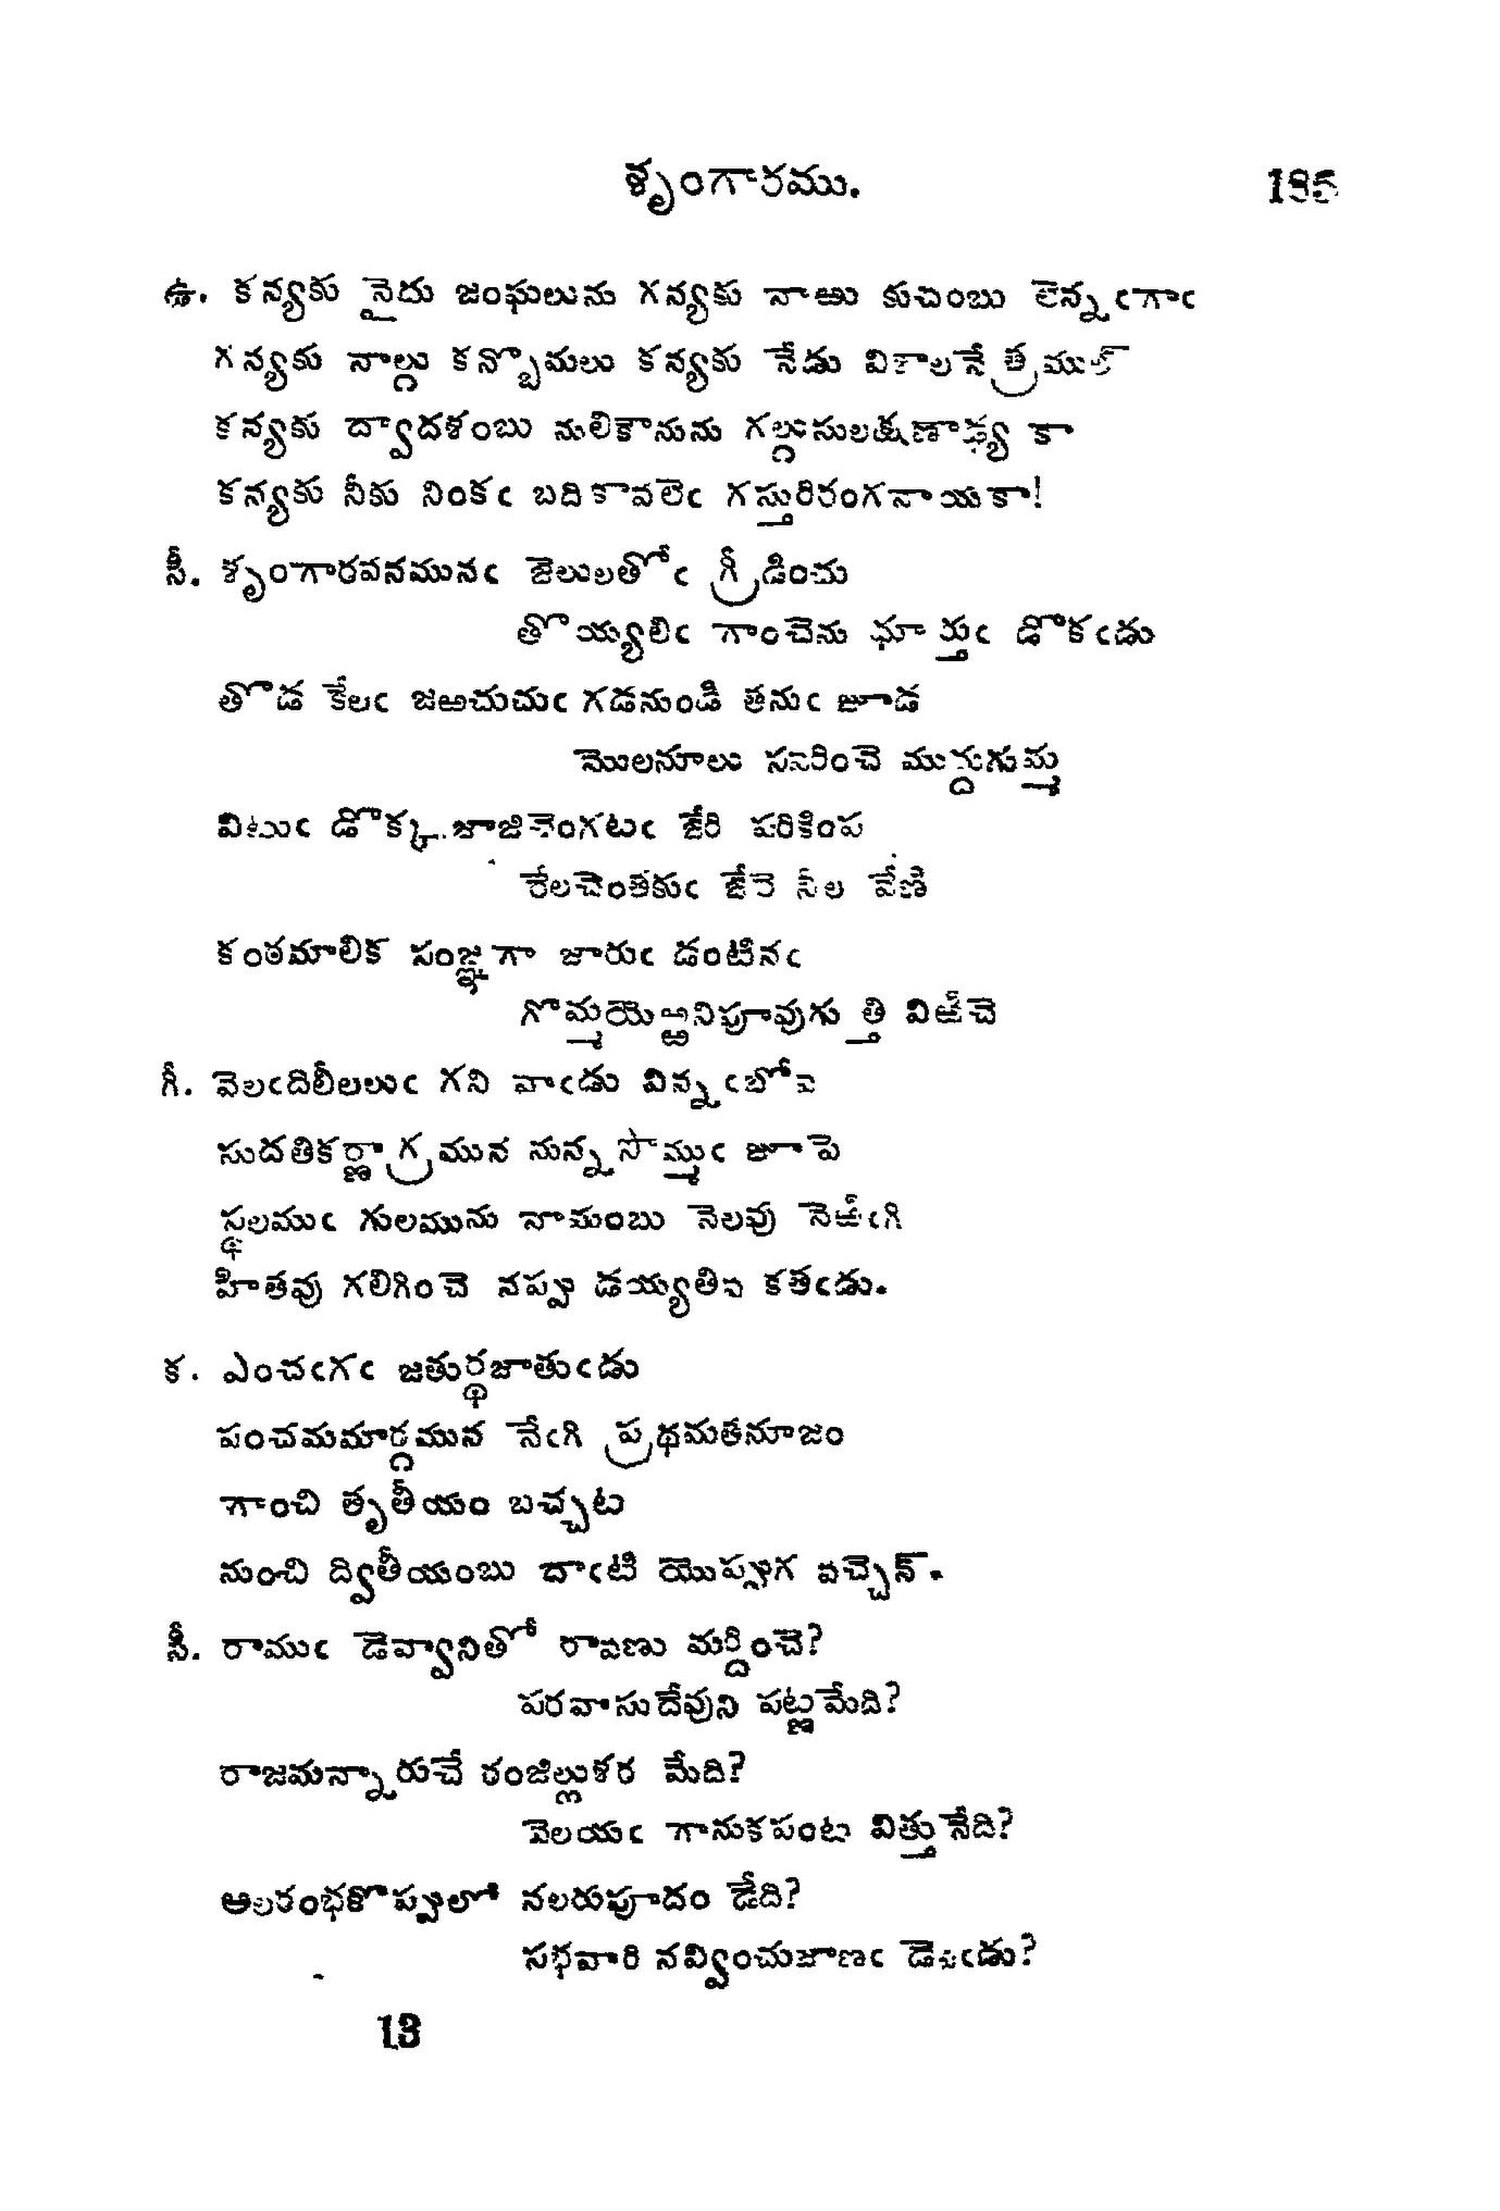ఉ. కన్యకు నైదు జంఘలును గన్యకు నాఱు కుచంబు లెన్నఁగాఁ
 గన్యకు నాల్గు కన్బొమలు కన్యకు నేడు విశాలనేత్రముల్
 కన్యకు ద్వాదశంబు నులికౌనును గల్గు సులక్షణాఢ్య కా
 కన్యకు నీకు నింకఁ బదికావలెఁ గస్తురిరంగనాయకా!
సీ. శృంగారవనమునఁ జెలులతోఁ గ్రీడించు
 తొయ్యలి గాంచెను ధూర్తుఁ డొకఁడు
 తొడ కేలఁ జఱచుచుఁ గడనుండి తనుఁ జూడ
 మొలనూలు సవరించె ముద్దుగుమ్మ
 విటుఁ డొక్కజాజిచెంగటఁ జేరె పరికింప
 రేలచెంతకుఁ జేరె నీలవేణి
 కంఠమాలిక సంజ్ఞగా జారుఁ డంటినఁ
 గొమ్మ యెఱ్ఱనిపూవుగుత్తి విఱిచె
గీ. వెలఁదిలీలలుఁ గని వాఁడు విన్నఁబోవ
 సుదతికర్ణాగ్రమున నున్నసొమ్ముఁ జూపె
 స్థలముఁ గులమును నామంబు నెలవు నెఱిఁగి
 హితవు గలిగించె నప్పు డయ్యతివ కతఁఢు.
క. ఎంచఁగఁ జతుర్థజాతుఁడు
 పంచమమార్గమున నేఁగి ప్రథమతనూజం
 గాంచి తృతీయం బచ్చట
 నుంచి ద్వితీయంబు దాఁటి యొప్పుగ వచ్చెన్.
సీ. రాముఁ డెవ్వానితో రావణు మర్దించె?
 పరవాసుదేవుని పట్ణమేది?
 రాజమన్నారుచే రంజిల్లుశర మేది?
 వెలయఁ గానుకపంట విత్తునేది?
 అలరంభకొప్పులో నలరుపూదం డేది?
 సభవారి నవ్వించుజాణఁ డెవఁడు?